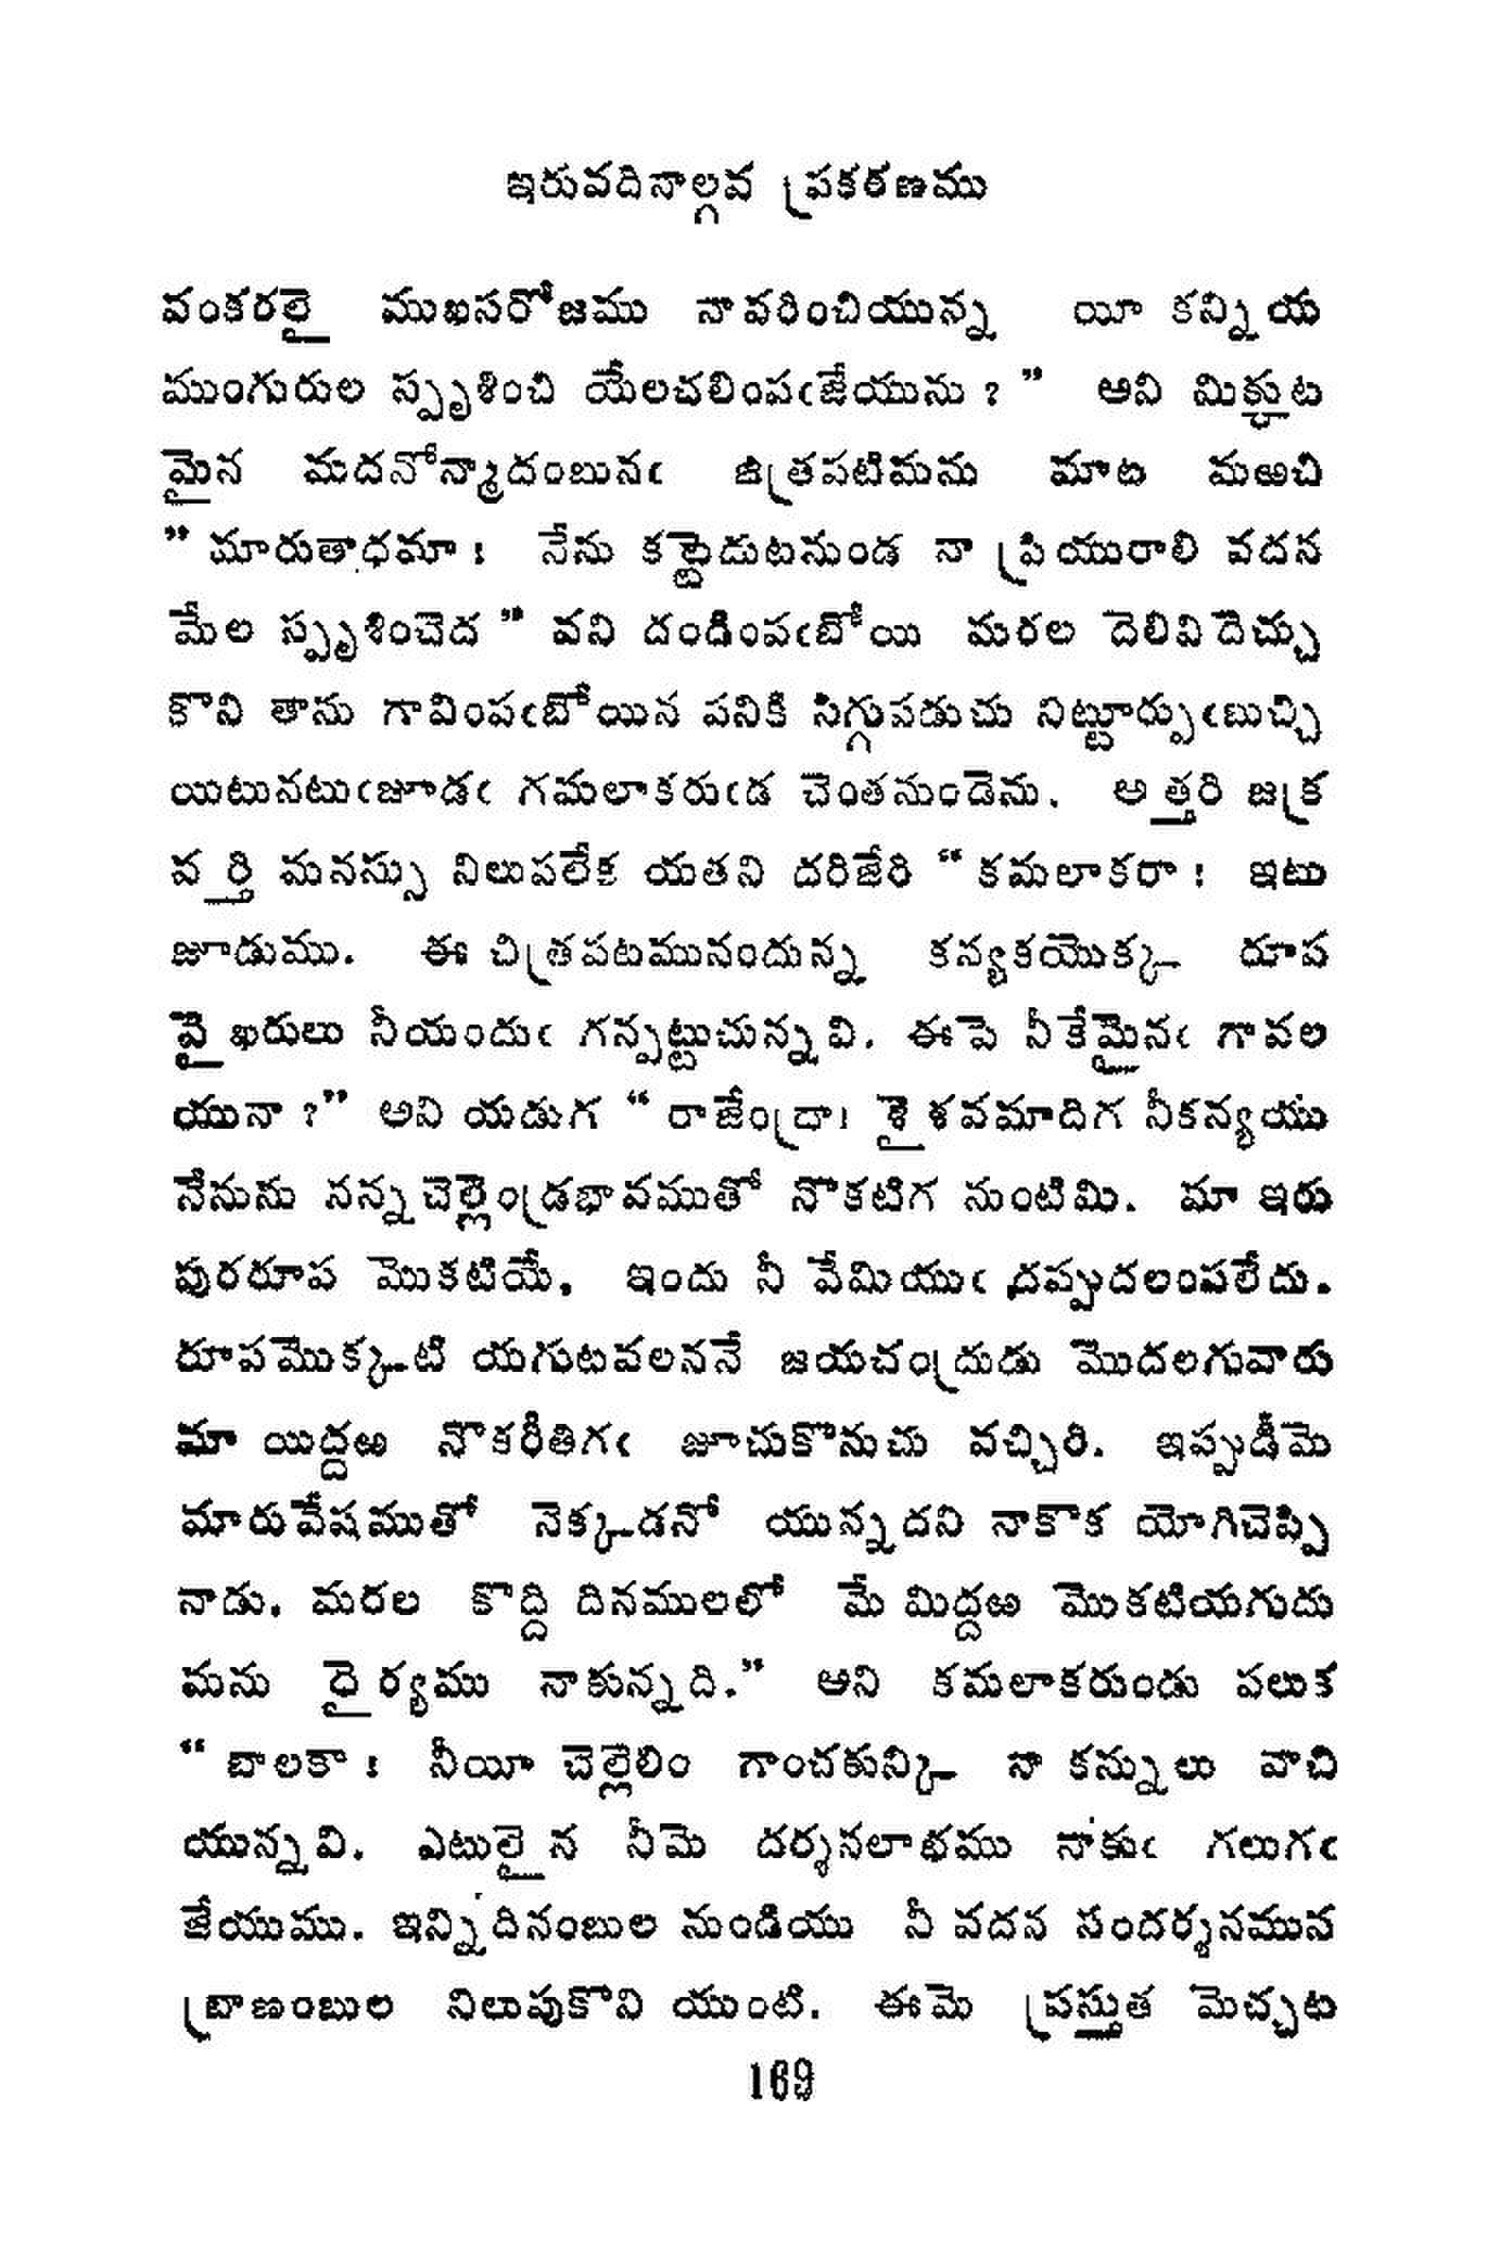వంకరలై ముఖసరోజము నావరించియున్న యీ కన్నియ ముంగురుల స్పృశించి యేలచలింపఁజేయును?" అని మిక్కుటమైన మదనోన్మాదంబునఁ జిత్రపటిమను మాట మఱచి "మారుతాధమా ! నేను కట్టెదుటనుండ నా ప్రియురాలి వదనమేల స్పృశించెద " వని దండింపఁబోయి మరల దెలివి దెచ్చుకొని తాను గావింపఁబోయిన పనికి సిగ్గుపడుచు నిట్టూర్పుఁబుచ్చి యిటునటుఁజూడఁ గమలాకరుఁడ చెంతనుండెను. అత్తరి జక్రవర్తి మనస్సు నిలుపలేక యతని దరిజేరి "కమలాకరా ! ఇటు జూడుము. ఈ చిత్రపటమునందున్న కన్యకయొక్క రూప వైఖరులు నీయందుఁ గన్పట్టుచున్నవి. ఈపె నీకేమైనఁ గావలయునా?" అని యడుగ “రాజేంద్రా! శైశవమాదిగ నీకన్యయు నేనును నన్న చెల్లెండ్రభావముతో నొకటిగ నుంటిమి. మా ఇరువురరూప మొకటియే. ఇందు నీ వేమియుఁ దప్పుదలంపలేదు. రూపమొక్కటి యగుటవలననే జయచంద్రుడు మొదలగువారు మా యిద్దఱ నొకరీతిగఁ జూచుకొనుచు వచ్చిరి. ఇప్పుడీమె మారువేషముతో నెక్కడనో యున్నదని నాకొక యోగిచెప్పినాడు. మరల కొద్ది దినములలో మే మిద్దఱ మొకటియగుదు మను ధైర్యము నాకున్నది." అని కమలాకరుండు పలుక “బాలకా ! నీయీ చెల్లెలిం గాంచకున్కి నా కన్నులు వాచి యున్నవి. ఎటులైన నీమె దర్శనలాభము నాకుఁ గలుగఁ జేయుము. ఇన్ని దినంబుల నుండియు నీ వదన సందర్శనమున బ్రాణంబుల నిలుపుకొని యుంటి. ఈమె ప్రస్తుత మెచ్చట